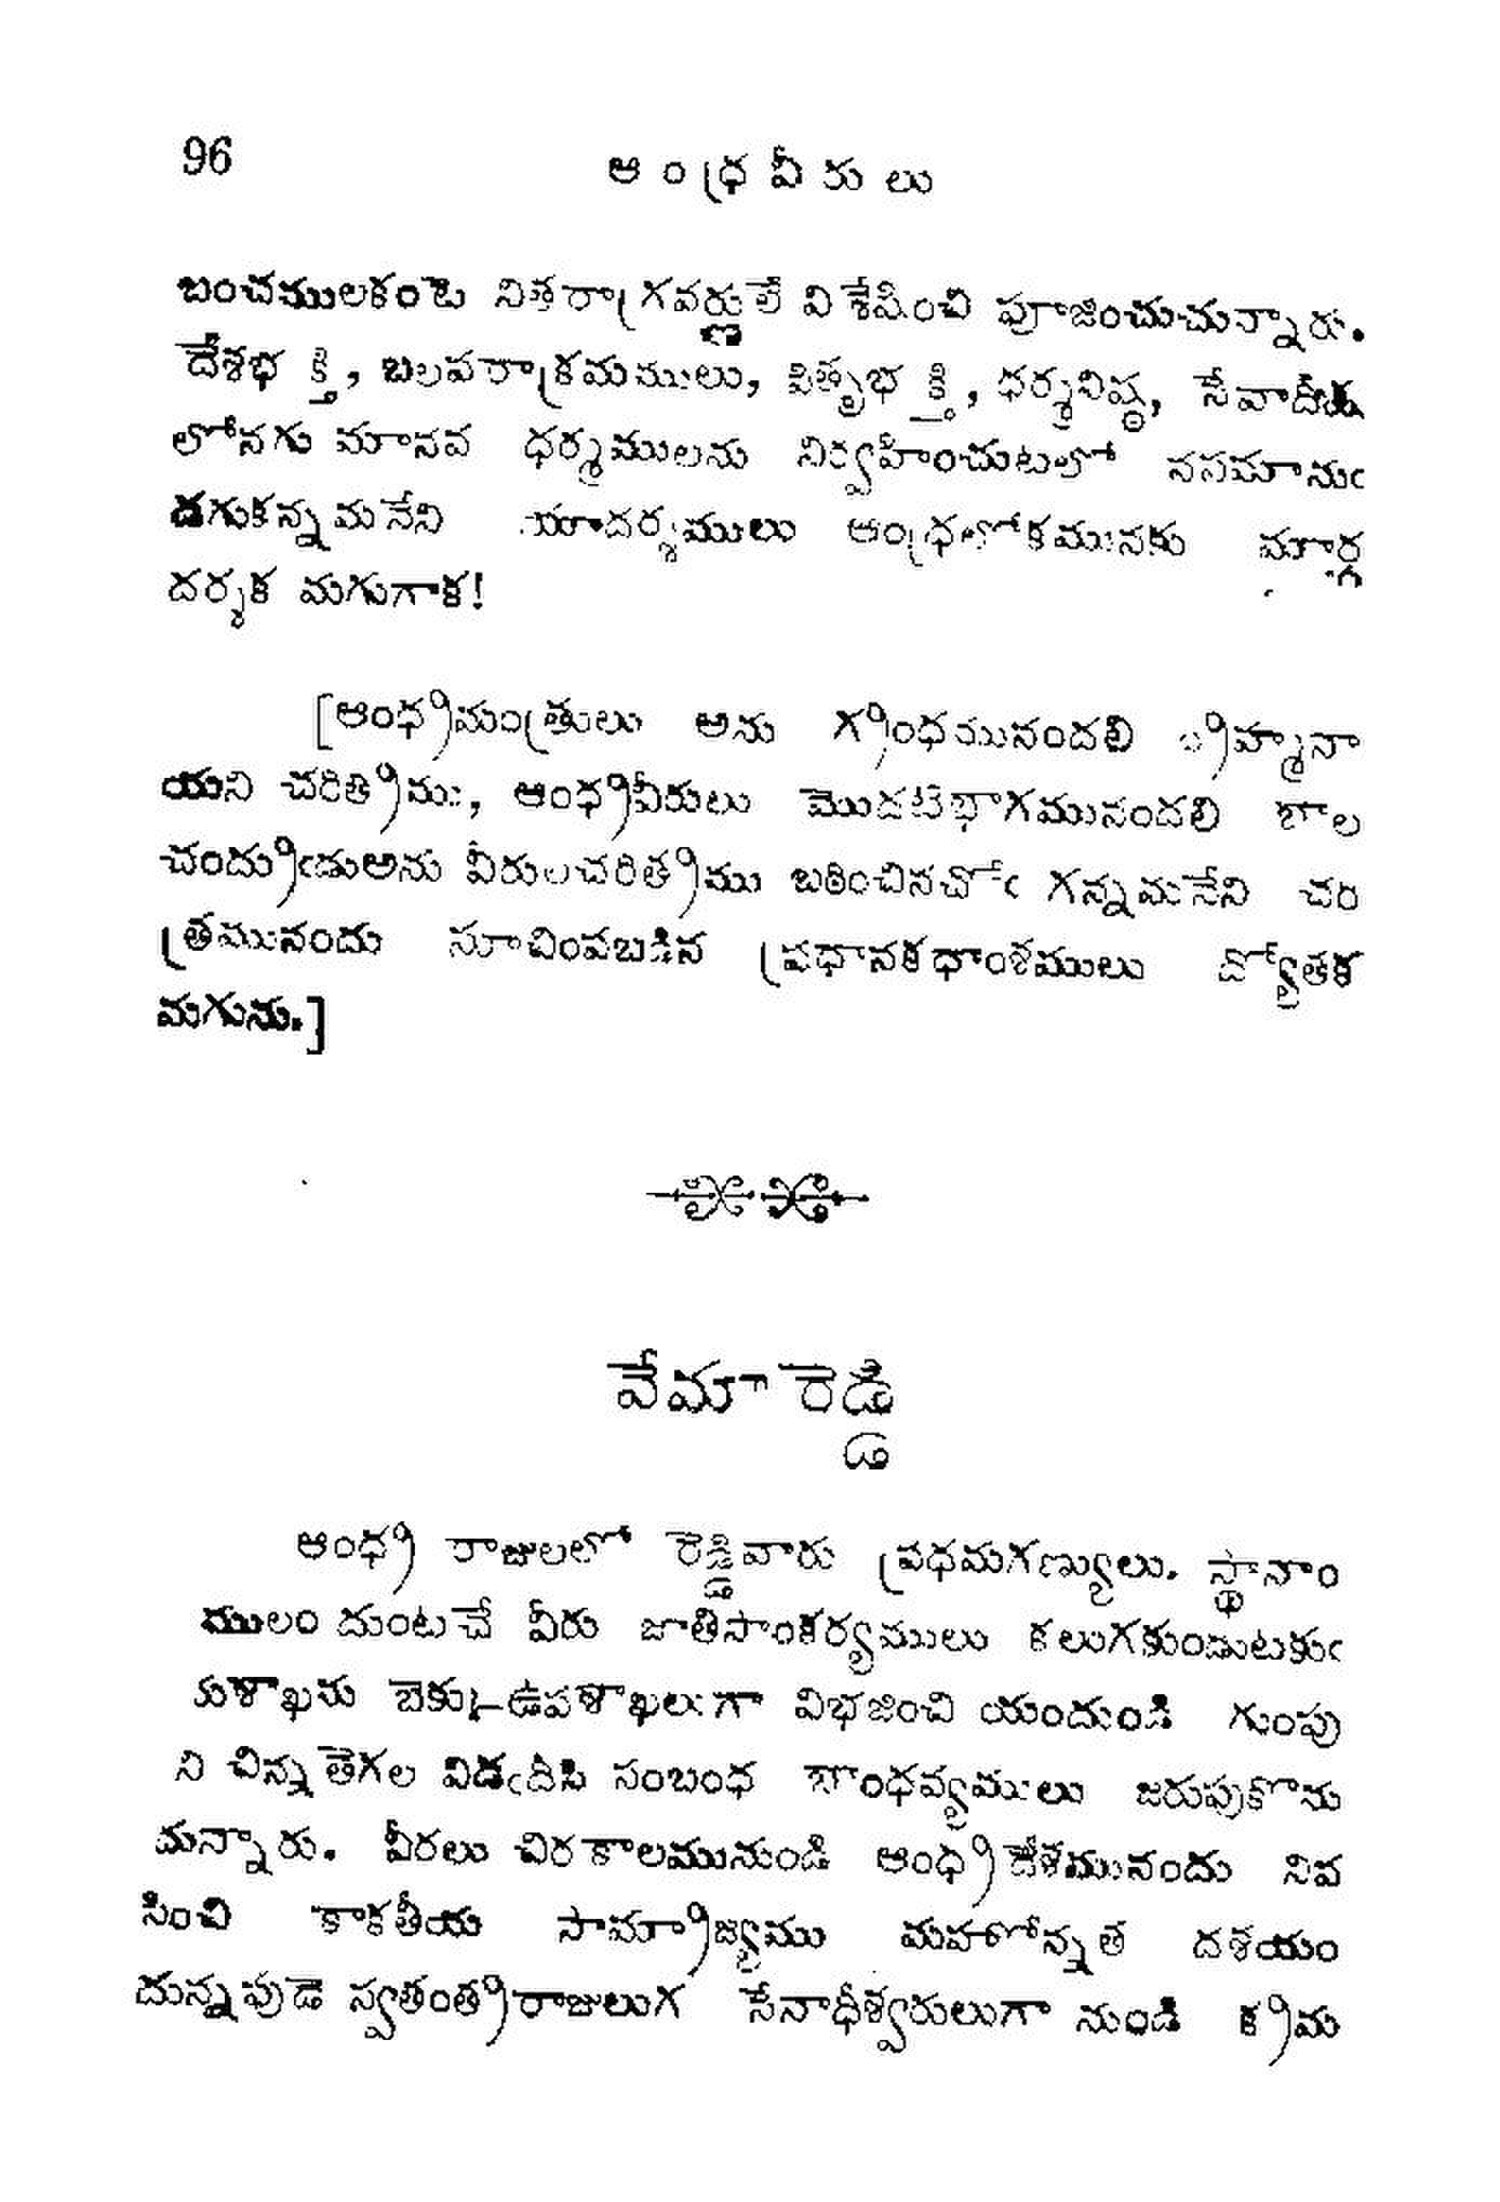బంచములకంటె నితరాగ్రవర్ణులే విశేషించి పూజించుచున్నారు. దేశభక్తి, బలపరాక్రమములు, పితృభక్తి, ధర్మనిష్ఠ, సేవాదీక్ష లోనగు మానవ ధర్మములను నిర్వహించుటలో నసమానుడగుకన్నమనేని యాదర్శములు ఆంధ్రలోకమునకు మార్గదర్శక మగుగాక!

[ఆంధ్రమంత్రులు అను గ్రంథమునందలి బ్రహ్మనాయని చరిత్రము, ఆంధ్రవీరులు మొదటిభాగమునందలి బాలచంద్రుడుఅను వీరులచరిత్రము బఠించినచో గన్నమనేని చరిత్రమునందు సూచింపబడిన ప్రధానకధాంశములు ద్యోతకమగును.]

________

ఆంధ్ర రాజులలో రెడ్డివారు ప్రధమగణ్యులు. స్థానాం -- ములం దుంటచే వీరు జాతిసాంకర్యములు కలుగకుండుటకు దమశాఖను బెక్కుఉపశాఖలుగా విభజించి యందుండి గుంపులని చిన్నతెగల విడదీసి సంబంధ బాంధవ్యములు జరుపుకొనుచున్నారు. వీరలు చిరకాలమునుండి ఆంధ్రదేశమునందు నివసించి కాకతీయ సామ్రాజ్యము మహోన్నత దశయందున్నపుడె స్వతంత్రరాజులుగ సేనాధీశ్వరులుగా నుండి క్రమ